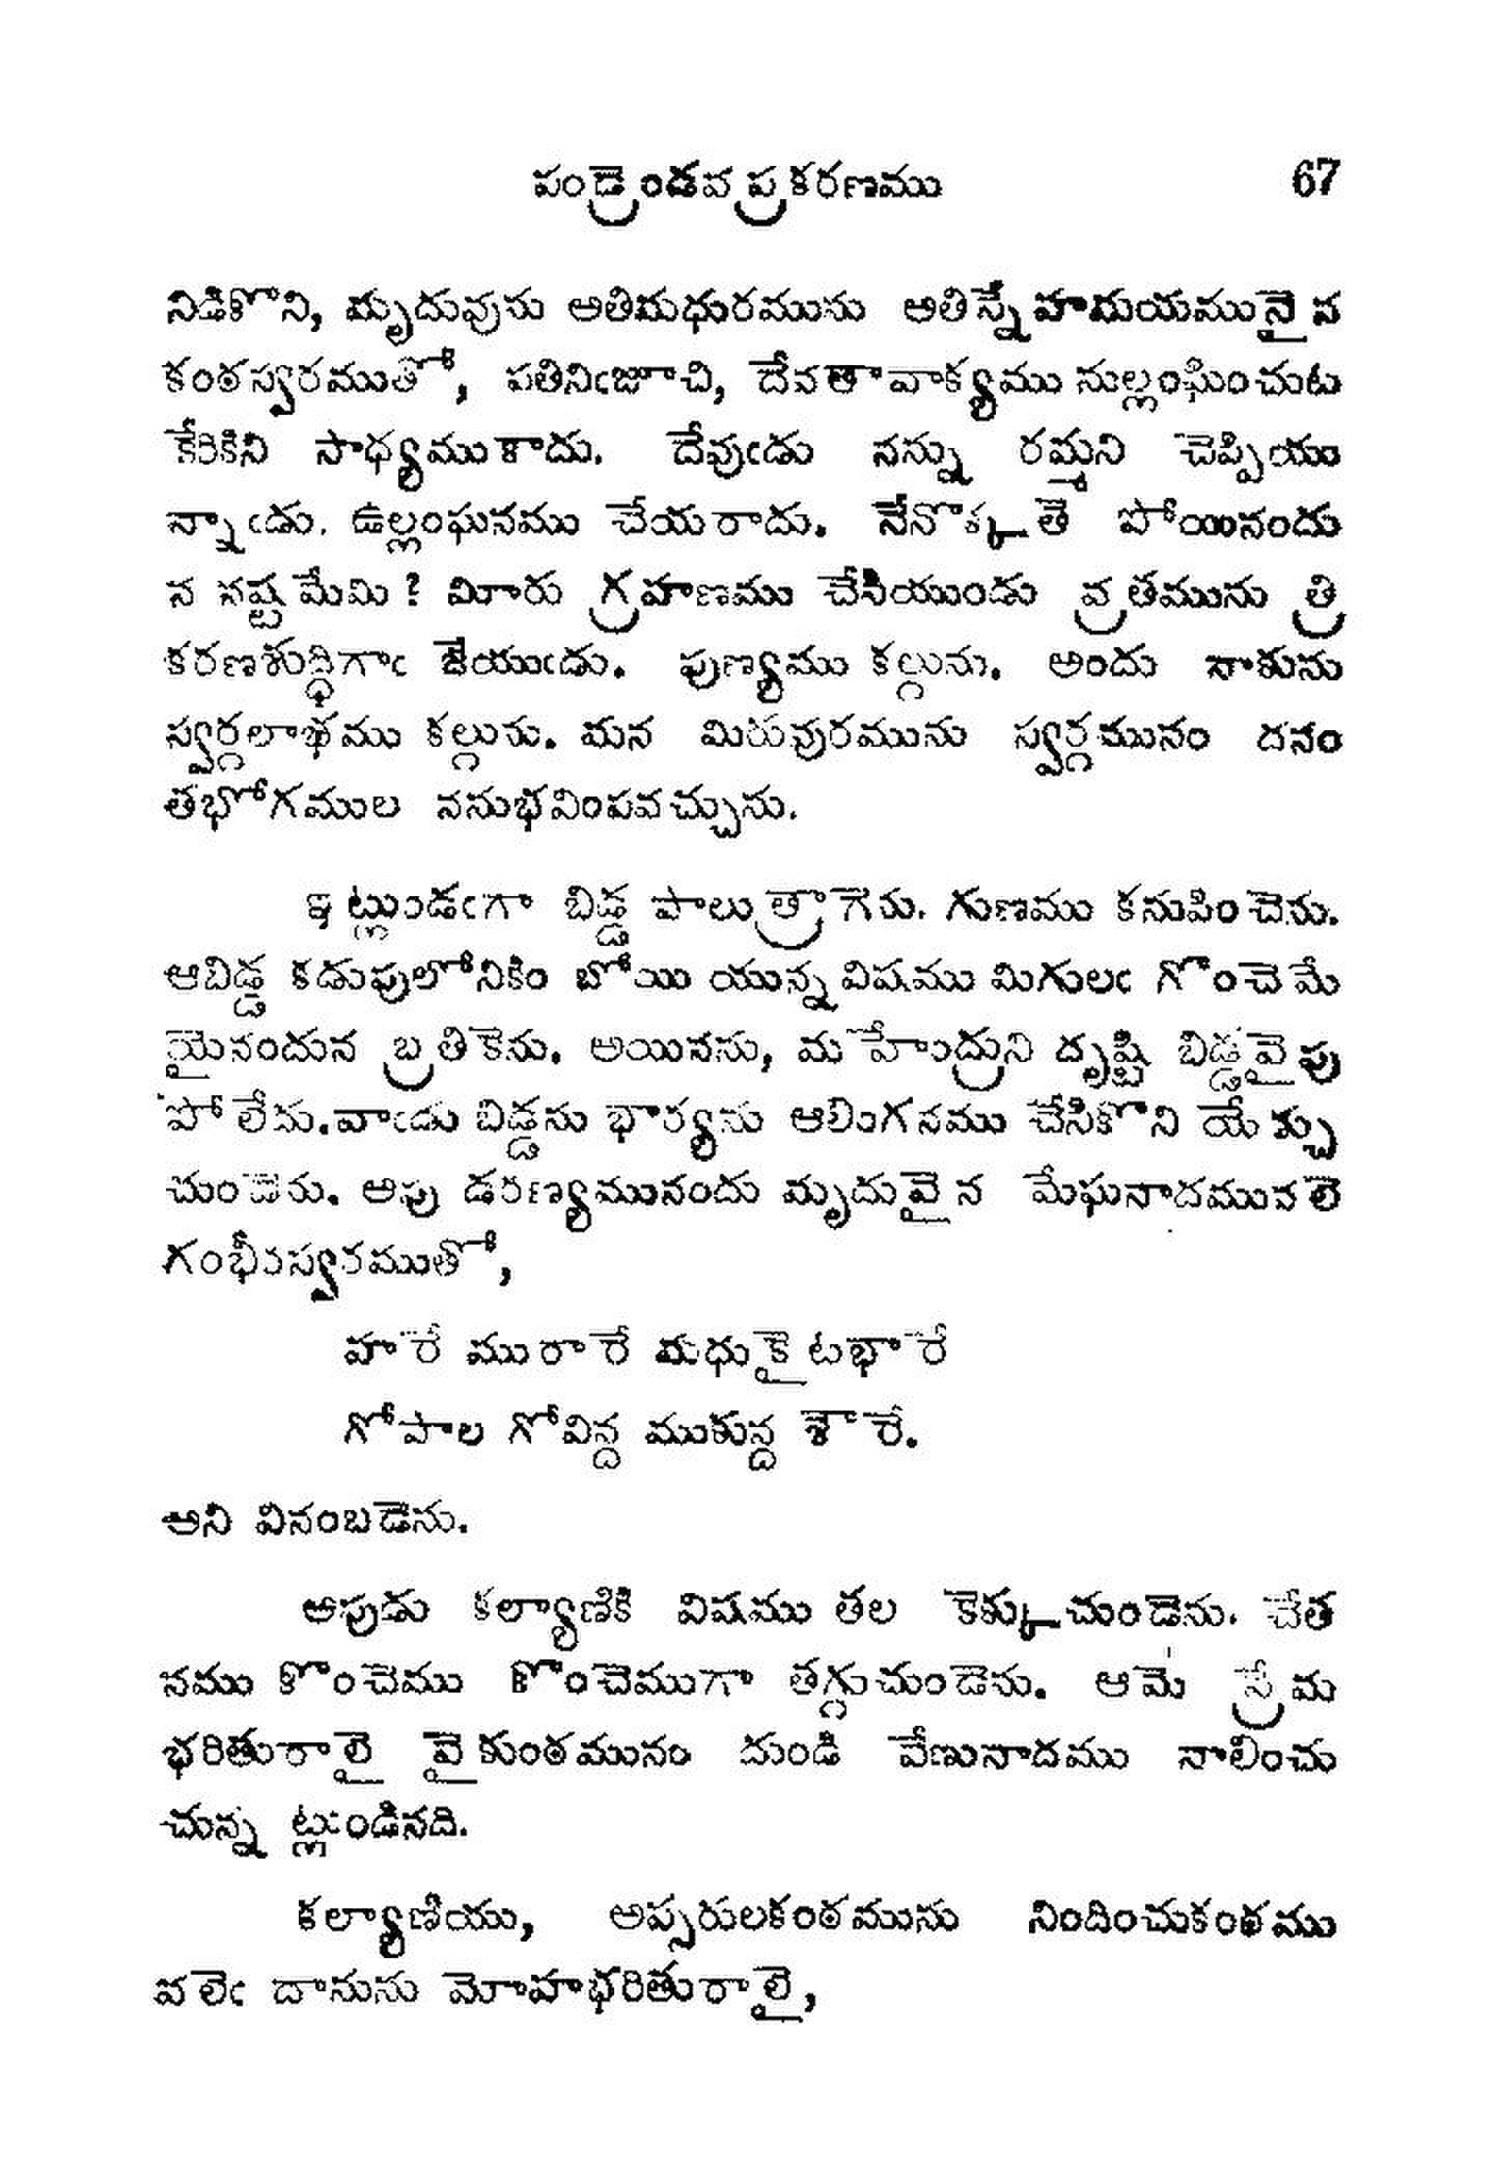నిడికొని, మృదువును అతిమధురమును అతి స్నేహమయమునైన కంఠస్వరముతో, పతినిఁజూచి, దేవతావాక్యము నుల్లంఘించుట
కేరికిని సాధ్యము కాదు. దేవుఁడు నన్ను రమ్మని చెప్పియున్నాఁడు. ఉల్లంఘనము చేయరాదు. నేనొక్కతె పోయినందున నష్టమేమి ! మీరు గ్రహణము చేసియుండు వ్రతమును త్రికరణశుద్ధిగాఁ జేయుడు. పుణ్యము కల్గును. అందు నాకును స్వర్గలాభము కల్గును. మన మిరువురమును స్వర్గమునం దనంతభోగముల ననుభవింపవచ్చును.

ఇట్లుండఁగా బిడ్డ పాలు త్రాగెను. గుణము కనుపించెను. ఆబిడ్డ కడుపులోనికిం బోయి యున్న విషము మిగులఁ గొంచెమే యైనందున బ్రతికెను. అయినను, మహేంద్రుని దృష్టి బిడ్డవైపు పోలేదు. వాఁడు బిడ్డను భార్యను ఆలింగనము చేసికొని యేడ్చుచుండెను, అపు డరణ్యమునందు మృదువైన మేఘనాదమువలె గంభీర స్వరముతో,

హరే మురారే మధు కైటభారే
గోపాల గోవిన్ద ముకున్ద శౌరే.

అని వినంబడెను.

అపుడు కల్యాణికి విషము తల 'కెక్కుచుండెను. చేతనము కొంచెము కొంచెముగా తగ్గుచుండెను. ఆమె ప్రేమ భరితురాలై వైకుంఠమునం దుండి వేణునాదము నాలించుచున్న ట్లుండినది.

కల్యాణియు, అప్సరులకంఠమును నిందించుకంఠము వలెఁ దానును మోహభరితురాలై,